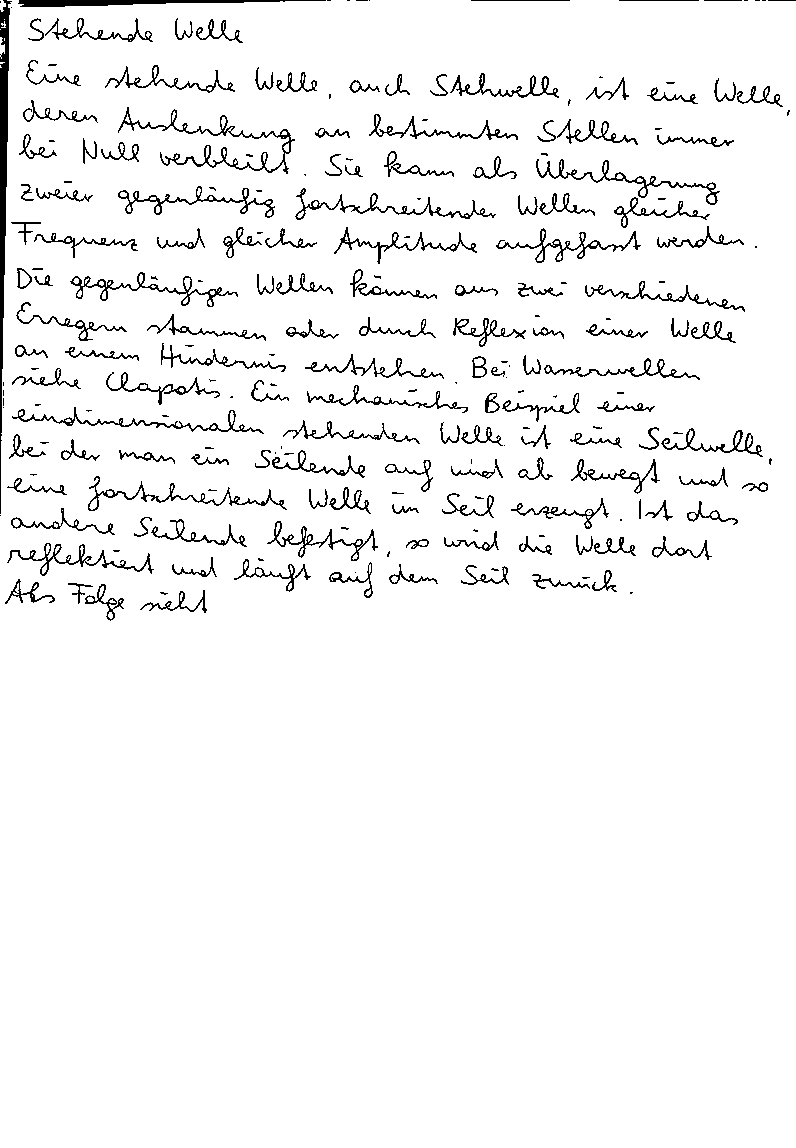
einschließte Welle
Eine stehende Welle, auch Stehwelle, ist eine Welle,
deren Auslenkung an bestimmten Stellen immer
bei Null verbleibt. Sie kann als Überlagerung
zweier gegenläufig fortschreitender Wellen gleicher
Frequenz und gleicher Amplitude aufgefasst werden.
Die gegenläufigen Wellen können aus zwei verschiedenen
Erregern stammen oder durch Reflexion einer Welle
an einem Hindernis entstehen. Bei Wasserwellen
siehe Clapotis. Ein mechanisches Beispiel einer
eindimensionalen stehenden Welle ist eine Seilwelle,
bei der man ein Seilende auf und ab bewegt und so
eine fortschreitende Welle im Seil erzeugt. Ist das
andere Seilende befestigt, so wird die Welle dort
reflektiert und läuft auf dem Seil zurück.
Als Folge sieht
